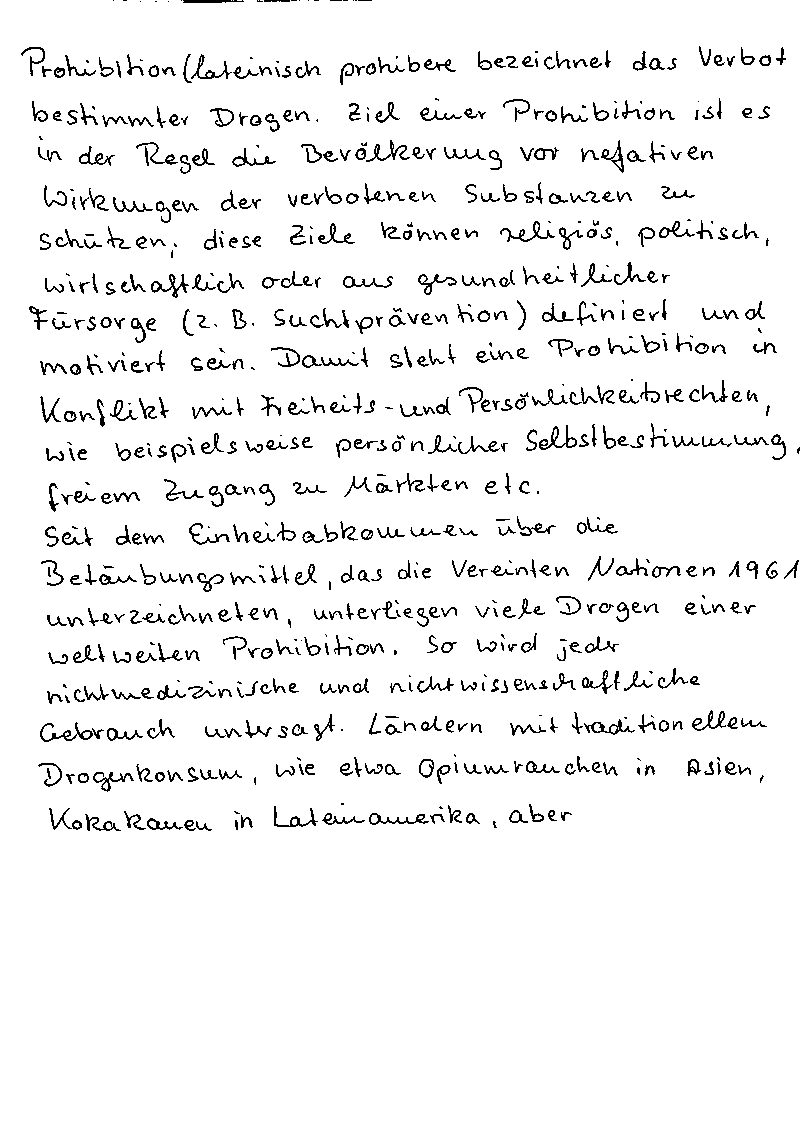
Prohibition (lateinisch prohibere bezeichnet das Verbot
bestimmter Drogen. Ziel einer Prohibition ist es
in der Regel die Bevölkerung vor negativen
Wirkungen der verbotenen Substanzen zu
schützen; diese Ziele können religiös, politisch,
wirtschaftlich oder aus gesundheitlicher
Fürsorge (z. B. Suchtprävention) definiert und
motiviert sein. Damit steht eine Prohibition in
Konflikt mit Freiheits- und Persönlichkeitsrechten,
wie beispielsweise persönlicher Selbstbestimmung,
freiem Zugang zu Märkten etc.
Seit dem Einheitsabkommen über die
Betäubungsmittel, das die Vereinten Nationen 1961
unterzeichneten, unterliegen viele Drogen einer
weltweiten Prohibition. So wird jeder
nichtmedizinische und nichtwissenschaftliche
Gebrauch untersagt. Ländern mit traditionellem
Drogenkonsum, wie etwa Opiumrauchen in Asien,
Kokakauen in Lateinamerika, aber
